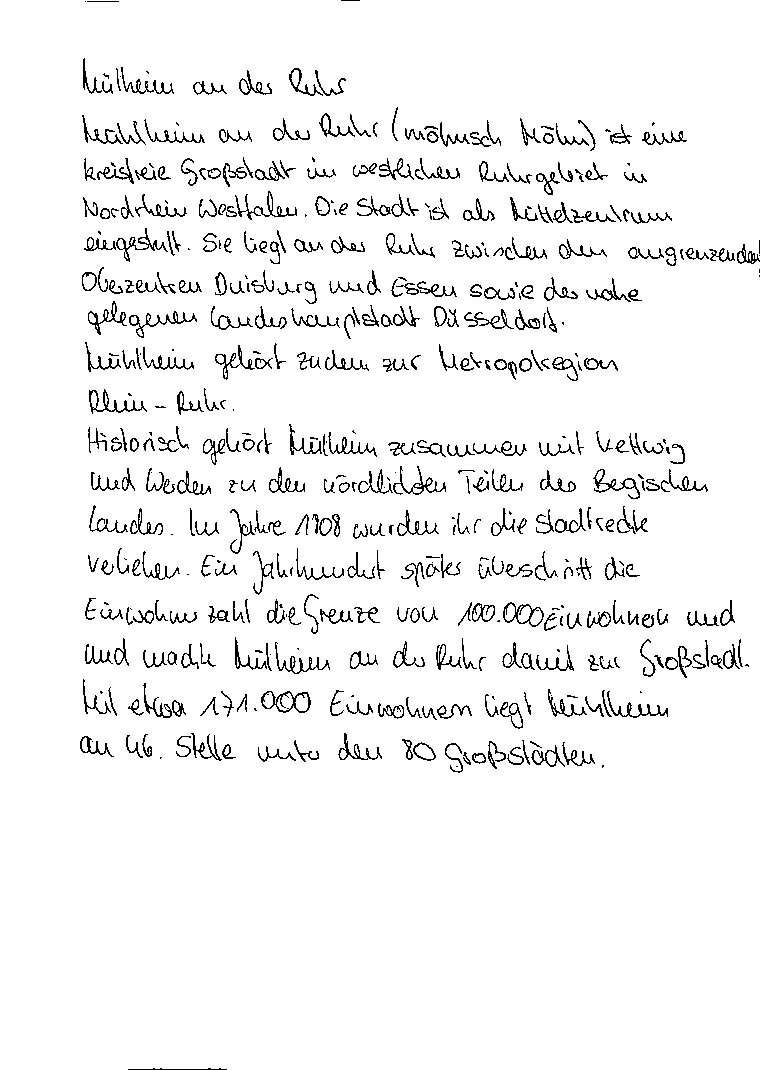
Mülheim an der Ruhr
Mülheim an der Ruhr (mölmsch Mölm) ist eine
kreisfreie Großstadt im westlichen Ruhrgebiet in
NordrheinWestfalen. Die Stadt ist als Mittelzentrum
eingestuft. Sie liegt an der Ruhr zwischen den angrenzenden
Oberzentren Duisburg und Essen sowie der nahe
gelegenen Landeshauptstadt Düsseldorf.
Mülheim gehört zudem zur Metropolregion
Rhein-Ruhr.
Historisch gehört Mülheim zusammen mit Kettwig
und Werden zu den nördlichsten Teilen des Bergischen
Landes. Im Jahre 1808 wurden ihr die Stadtrechte
verliehen. Ein Jahrhundert später überschritt die
Einwohnerzahl die Grenze von 100.000 Einwohnern und
und machte Mülheim an der Ruhr damit zur Großstadt.
Mit etwa 171.000 Einwohnern liegt Mülheim
an 46. Stelle unter den 80 Großstädten
